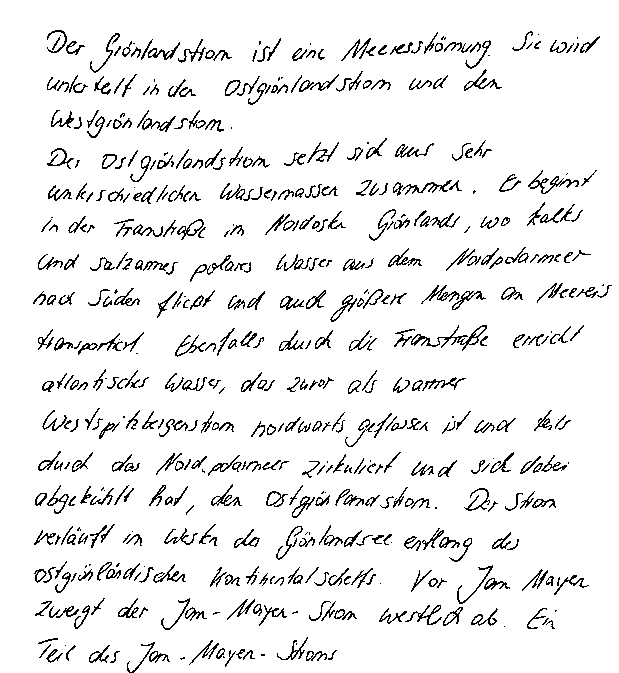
Der Grönlandstrom ist eine Meeresströmung Sie wird
unterteilt in den Ostgrönlandstrom und den
Westgrönlandstrom
Der Ostgrönlandstrom setzt sich aus sehr
unterschiedlichen Wassermassen zusammen. Er beginnt
in der Framstraße im Nordosten Grönlands, wo kaltes
und salzarmes polares Wasser aus dem Nordpolarmeer
nach Süden fließt und auch größere Mengen an Meereis
transportiert. Ebenfalls durch die Framstraße erreicht
atlantisches Wasser, das zuvor als warmer
Westspitzbergenstrom nordwärts geflossen ist und teils
durch das Nordpolarmeer zirkuliert und sich dabei
abgekühlt hat, den Ostgrönlandstrom. Der Strom
verläuft im Westen der Grönlandsee entlang des
ostgrönländischen Kontinentalschelfs Vor Jan Mayen
zweigt der Jan-Mayen-Strom westlich ab Ein
Teil des Jan-Mayen-Stroms
